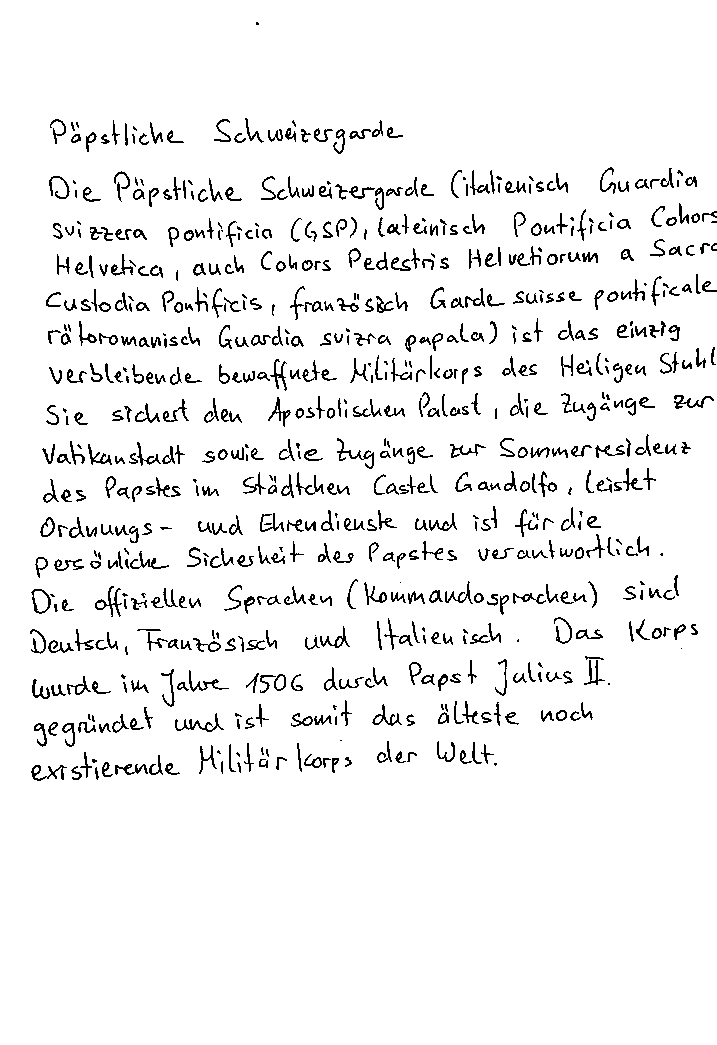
Päpstliche Schweizergarde
Die Päpstliche Schweizergarde (italienisch Guardia
svizzera pontificia (GSP), lateinisch Pontificia Cohors
Helvetica, auch Cohors Pedestris Helvetiorum a Sacra
Custodia Pontificis, französisch Garde suisse pontificale
rätoromanisch Guardia svizra papala) ist das einzig
verbliebene bewaffnete Militärkorps des Heiligen Stuhl
Sie sichert den Apostolischen Palast, die Zugänge zur
Vatikanstadt sowie die Zugänge zur Sommerresidenz
des Papstes im Städtchen Castel Gandolfo, leistet
Ordnungs- und Ehrendienste und ist für die
persönliche Sicherheit des Papstes verantwortlich.
Die offiziellen Sprachen (Kommandosprachen) sind
Deutsch, Französisch und italienisch. Das Korps
wurde im Jahre 1506 durch Papst Julius II.
gegründet und ist somit das älteste noch
existierende Militärkorps der Welt.
